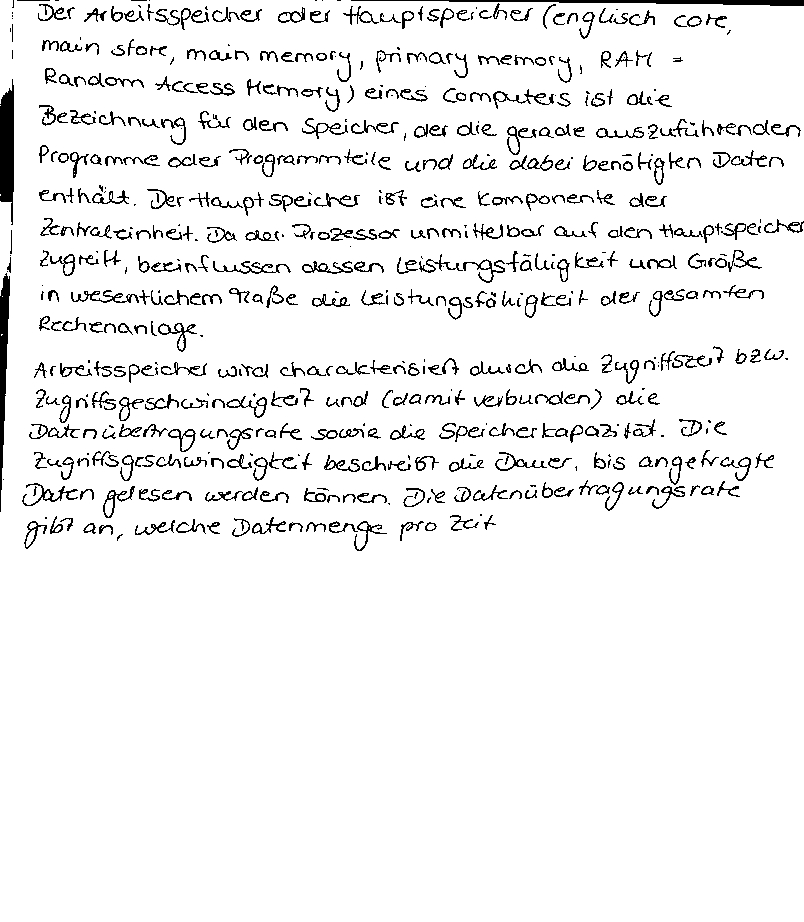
Der Arbeitsspeicher oder Hauptspeicher (englisch core,
main store, main memory, primary memory, RAM
Random Access Memory) eines Computers ist die
Bezeichnung für den Speicher, der die gerade auszuführenden
Programme oder Programmteile und die dabei benötigten Daten
enthält. Der Hauptspeicher ist eine Komponente der
Zentraleinheit. Da der Prozessor unmittelbar auf den Hauptspeicher
zugreift, beeinflussen dessen Leistungsfähigkeit und Größe
wesentlichem Maße die Leistungsfähigkeit der gesamten
Rechenanlage.
Arbeitsspeicher wird charakterisiert durch die Zugriffszeit bzw.
Zugriffsgeschwindigkeit und (damit verbunden) die
Datenübertragungsrate sowie die Speicherkapazität. Die
Zugriffsgeschwindigkeit beschreibt die Dauer, bis angefragte
Daten gelesen werden können. Die Datenübertragungsrate
gibt an, welche Datenmenge pro Zeit
